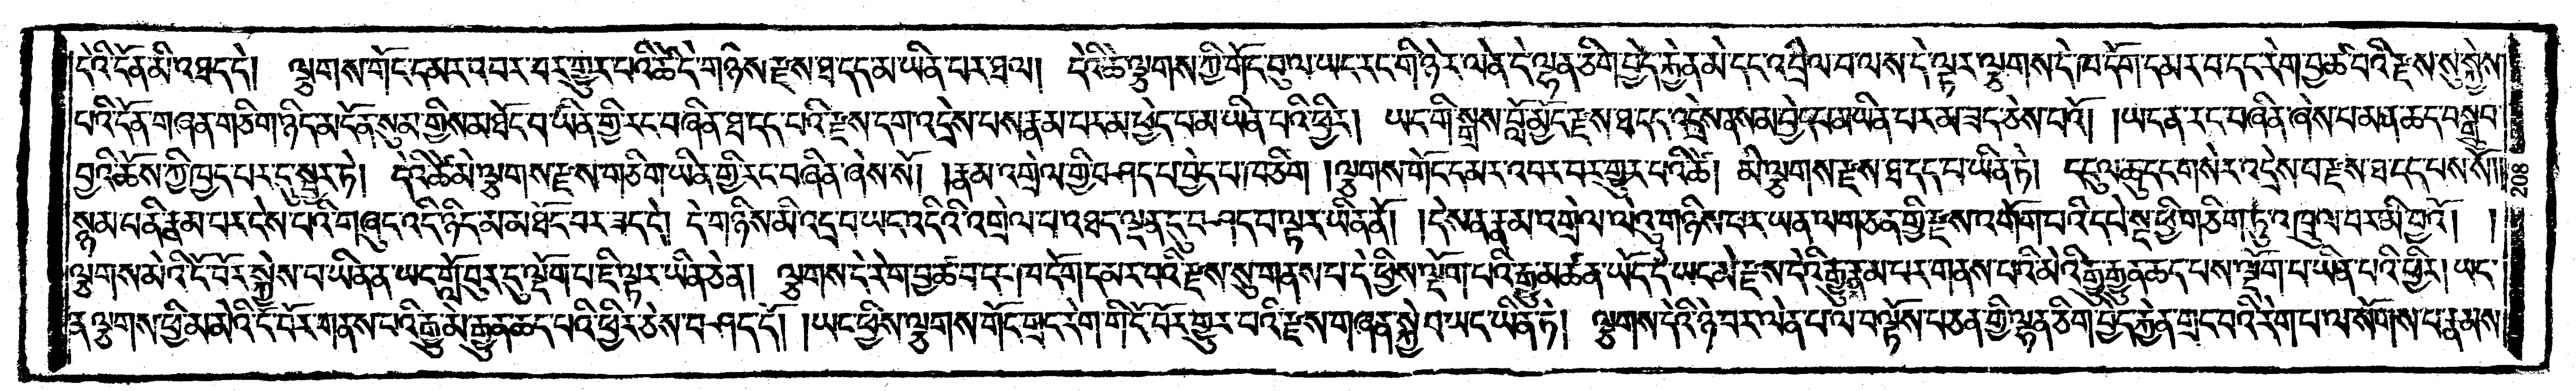དེའི་དོན་མི་འཐད་དེ། ལྕགས་གོང་དམར་འབར་བར་གྱུར་པའི་ཚེ་དེ་གཉིས་རྫས་ཐ་དད་མ་ཡིན་པར་ཐལ། དེའི་ཆེ་ལྕགས་ཀྱི་གོང་བུ་ལ་ཡང་རང་གི་ཉེར་ལེན་དེ་ལྷན་ཅིག་བྱེད་རྐྱེན་མེ་དང་འབྲེལ་བ་ལས་དེ་ལྟར་ལྕགས་དེ་ཁ་དོག་དམར་བ་དང་རེག་བྱ་ཚ་བའི་རྫས་སུ་སྐྱེས་
པའི་དོན་གཞན་གཅིག་ཉིད་མངོན་སུམ་གྱིས་མཐོང་བ་ཡིན་གྱི་རང་བཞིན་ཐ་དད་པའི་རྫས་དག་འདྲེས་པས་རྣམ་པར་མ་ཕྱེད་པ་མ་ཡིན་པའི་ཕྱིར། ཡང་གི་སྒྲས་བློ་མྱོང་རྫས་ཐ་དད་འདྲེས་ནས་མ་བྱེད་པ་མ་ཡིན་པར་མ་ཟད་ཅེས་པའོ། །ཡང་ན་རང་བཞིན་ཞེས་པ་མན་ཆད་བསྒྲུབ་
བྱའི་ཆོས་ཀྱི་ཁྱད་པར་དུ་སྦྱར་ཏེ། དེའི་ཚེ་མེ་ལྕགས་རྫས་གཅིག་ཡིན་གྱི་རང་བཞིན་ཞེས་སོ། །རྣམ་འགྲེལ་གྱི་བཤད་པ་བྱེད་པ་ཁ་ཅིག །ལྕགས་གོང་དམར་འབར་བར་གྱུར་པའི་ཚེ། མི་ལྕགས་རྫས་ཐ་དད་པ་ཡིན་ཏེ། དངུལ་ཆུ་དང་གསེར་འདྲེས་པ་རྫས་ཐ་དད་པས་སོ།།
སྙམ་པ་ནི་རྣམ་པར་ངེས་པའི་གཞུང་འདི་ཉིད་མ་མཐོང་བར་ཟད་དེ། དེ་གཉིས་མི་འདྲ་བ་ཡང་འདིའི་འགྲེལ་པ་འཐད་ལྡན་དུ་བཤད་པ་ལྟར་ཡིན་ནོ། །དེས་ན་རྣམ་འགྲེལ་ལེའུ་གཉིས་པར་ཡན་ལག་ཅན་གྱི་རྫས་འགོག་པའི་དཔེ་སྔ་ཕྱི་གཅིག་ཏུ་འཁྲུལ་པར་མི་བྱའོ། །
ལྕགས་མེའི་ངོ་བོར་སྐྱེས་པ་ཡིན་ན་ཡང་གློ་བུར་དུ་ལྡོག་པ་ཇི་ལྟར་ཡིན་ཅེ་ན། ལྕགས་དེ་རེག་བྱ་ཚ་བ་དང་ཁ་དོག་དམར་བའི་རྫས་སུ་གནས་པ་དེ་ཕྱིས་ལྡོག་པའི་རྒྱུ་མཚན་ཡོད་དེ་ཡང་མེ་རྫས་དེའི་རྒྱུ་རྣམ་པར་གནས་པའི་མེའི་རྒྱུ་རྒྱུན་ཆད་པས་ལྡོག་པ་ཡིན་པའི་ཕྱིར། ཡང་
ན་ལྕགས་ཕྱི་མ་མེའི་ངོ་བོར་གནས་པའི་རྒྱུ་མེ་རྒྱུན་ཆད་པའི་ཕྱིར་ཅེས་བཤད་དོ། །ཡང་ཕྱིས་ལྕགས་གོང་གྲང་རེག་གི་ངོ་བོར་གྱུར་པའི་རྫས་གཞན་སྐྱེ་བ་ཡང་ཡིན་ཏེ། ལྕགས་དེའི་ཉེ་བར་ལེན་པ་ལ་བལྟོས་པ་ཅན་གྱི་ལྷན་ཅིག་བྱེད་རྐྱེན་གྲང་བའི་རེག་པ་ལ་སོགས་པ་རྣམས་